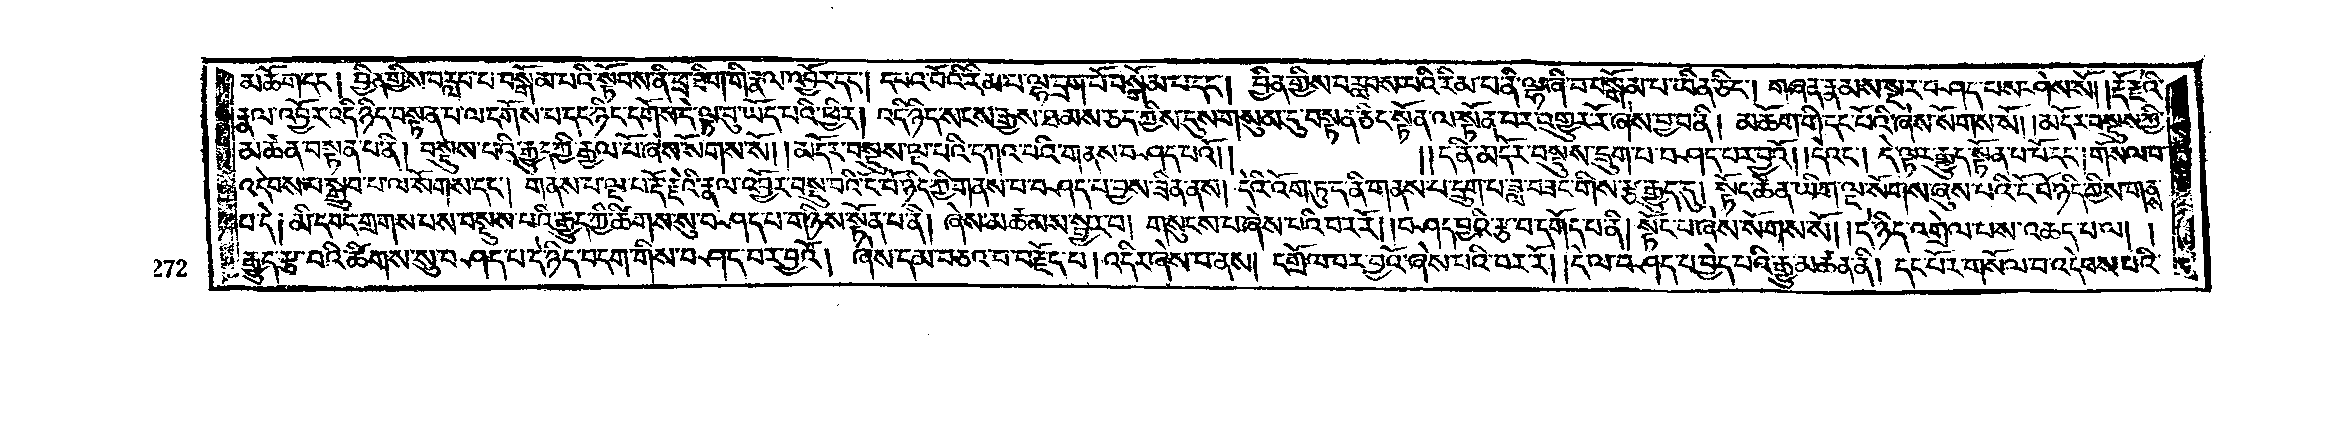མཆོག་དང་། བྱིན་གྱིས་བརླབ་པ་བསྒོམ་པའི་སྟོབས་ནི་ཕྲ་ཐིག་གི་རྣལ་འབྱོར་དང་། དཔའ་བོའི་རིམ་པ་ལྷ་དྲག་པོ་བསྒོམ་པ་དང་། བྱིན་གྱིས་བརླབས་པའི་རིམ་པ་ནི་ལྷ་ཞི་བ་བསྒོམ་པ་ཡིན་ཅིང་། གཞན་རྣམས་སྔར་བཤད་པས་ཤེས་སོ། །རྡོ་རྗེའི་
རྣལ་འབྱོར་འདི་ཉིད་བསྟན་པ་ལ་དགོས་པ་དང་ཉིད་དགོས་དེ་ལྟ་བུ་ཡོད་པའི་ཕྱིར། འདི་ཉིད་སངས་རྒྱས་ཐམས་ཅད་ཀྱིས་དུས་གསུམ་དུ་བསྟན་ཅིང་སྟོན་ལ་སྟོན་པར་འགྱུར་རོ་ཞེས་བྱ་བ་ནི། མཆོག་གི་དང་པོའི་ཞེས་སོགས་སོ། །མདོར་བསྡུས་ཀྱི་
མཚན་བསྟན་པ་ནི། བསྡུས་པའི་རྒྱུད་ཀྱི་རྒྱལ་པོ་ཞེས་སོགས་སོ། །མདོར་བསྡུས་ལྔ་པའི་དཀའ་བའི་གནས་བཤད་པའོ།། །།ད་ནི་མདོར་བསྡུས་དྲུག་པ་བཤད་པར་བྱའོ། །དེའང་། དེ་ལྟར་རྒྱུད་སྟོན་པ་པོ་དང་། གསོལ་བ་
འདེབས་པ་སྒྲུབ་པ་ལ་སོགས་དང་། གནས་པ་ལྔ་པ་རྡོ་རྗེའི་རྣལ་འབྱོར་བསྡུ་བའི་ངོ་བོ་ཉིད་ཀྱི་གནས་པ་བཤད་པ་བྱས་ཟིན་ནས། དེའི་འོག་ཏུ་ད་ནི་གནས་པ་དྲུག་པ་ཟླ་བཟང་གིས་རྩ་རྒྱུད་དུ། སྟོང་ཆེན་ཡིག་ལྔ་སོགས་ཞུས་པའི་ངོ་བོ་ཉིད་ཀྱིས་གནས་
པ་དེ། མི་དབང་གྲགས་པས་བསྡུས་པའི་རྒྱུད་ཀྱི་ཚིགས་སུ་བཤད་པ་གཉིས་སྟོན་པ་ནི། ཞེས་མཚམས་སྦྱར་བ། གསུངས་པ་ཞེས་པའི་བར་རོ། །བཤད་བྱའི་རྩ་བ་དགོད་པ་ནི། སྟོང་པ་ཞེས་སོགས་སོ། །དེ་ཉིད་འགྲེལ་པས་འཆད་པ་ལ། །
རྒྱུད་རྩ་བའི་ཚིགས་སུ་བཤད་པ་དེ་ཉིད་བདག་གིས་བཤད་པར་བྱའོ། ཞེས་དམ་བཅའ་བ་བརྗོད་པ། འདིར་ཞེས་པ་ནས། དགྲོལ་བར་བྱའོ་ཞེས་པའི་བར་རོ། །དེ་ལ་བཤད་པ་བྱེད་པའི་རྒྱུ་མཚན་ནི། དང་པོར་གསོལ་བ་འདེབས་པའི་